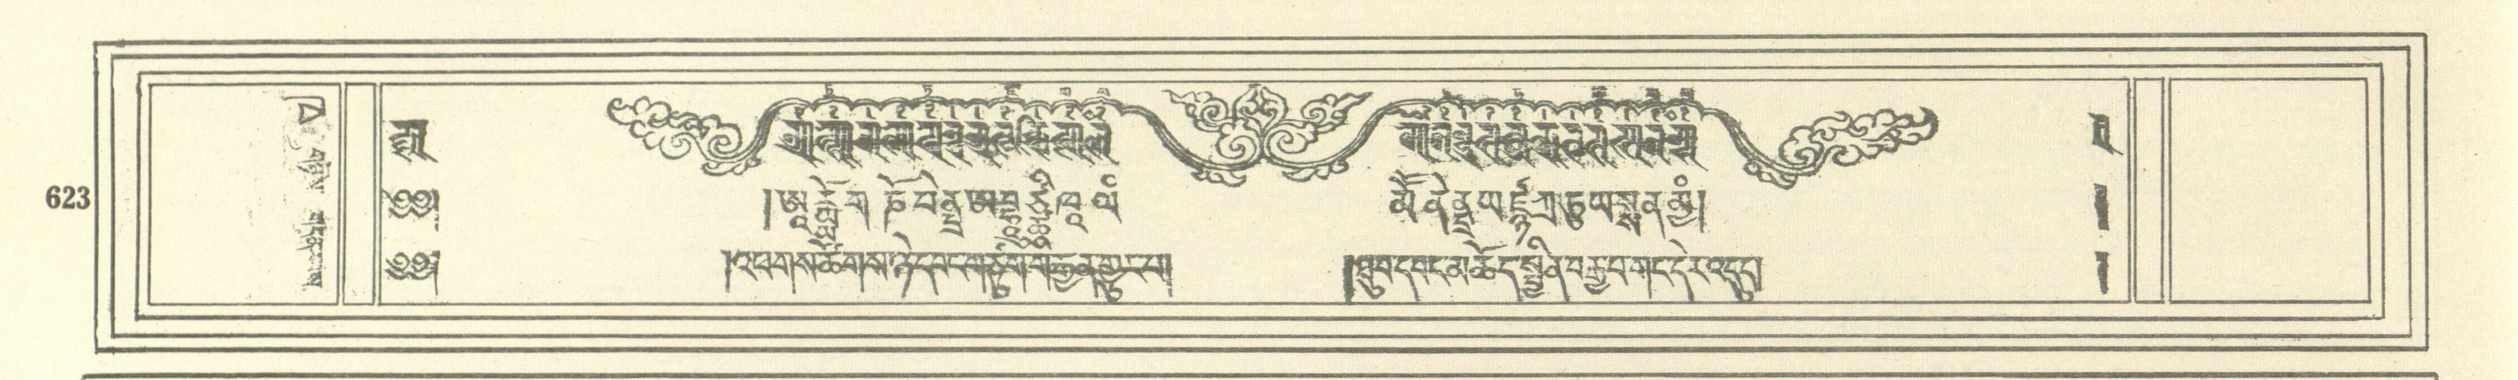༄༅། །ཨཱརྱྱོ་ག་ཎོ་བེནྡྲ་ཨ་བྷཱུ་ཙྪཱི་ཁཱ་ལཾ་མཽ་ནེནྡྲ་ཡ་ཛྙ་ཀྲ་ཏུ་ཡ་སྶ་ན་མྱཾ། །
༄༅། །འཕགས་ཚོགས་ཉེ་དབང་གཙུག་གི་རྒྱན་གྱུར་བ། །ཐུབ་དབང་མཆོད་སྦྱིན་བརྒྱ་བ་གང་དེར་འདུད། །